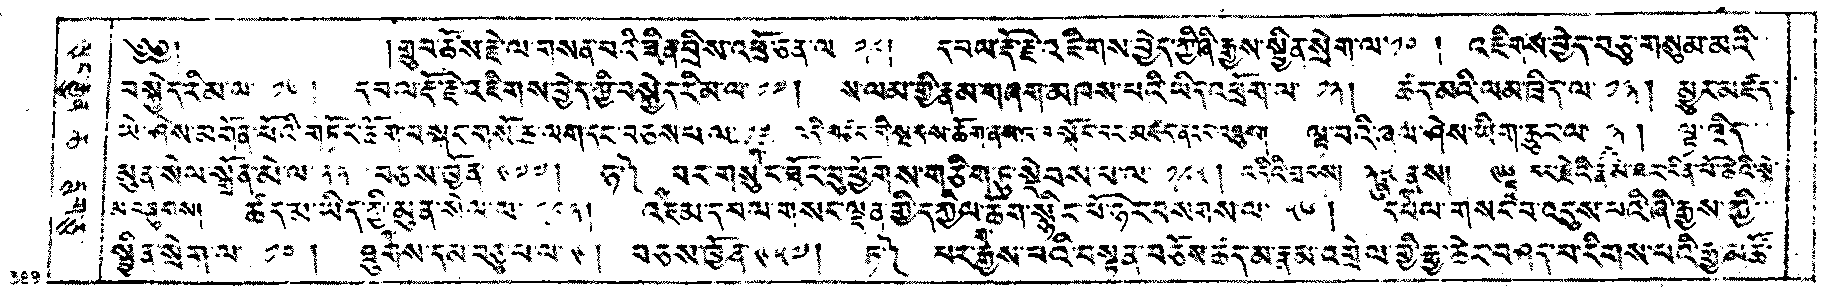༄༅། །གྲུབ་ཆོས་རྗེ་ལ་གསན་པའི་ཟིན་བྲིས་འཕྲོ་ཅན་ལ ༧༩། དཔལ་རྡོ་རྗེ་འཇིགས་བྱེད་ཀྱི་ཞི་རྒྱས་སྦྱིན་སྲེག་ལ ༡༠། འཇིགས་བྱེད་བཅུ་གསུམ་མའི་
བསྐྱེད་རིམ་ལ ༡༦། དཔལ་རྡོ་རྗེ་འཇིགས་བྱེད་ཀྱི་བསྐྱེད་རིམ་ལ ༡༧། ས་ལམ་གྱི་རྣམ་གཞག་མཁས་པའི་ཡིད་འཕྲོག་ལ ༡༢། ཚད་མའི་ལམ་ཁྲིད་ལ ༡༣། མྱུར་མཛད་
ཡེ་ཤེས་མགོན་པོའི་གཏོར་ཆོག་བསྐང་གསོ་ཆ་ལག་དང་བཅས་པ་ལ ༡༧་འདི་གཙང་གི་སྔགས་ཆོག་ནས་ཁ་བསྐོང་བར་མཛད་ནའང་འཐུས། ལྟ་བའི་ཞལ་ཤེས་ཡིག་ཆུང་ལ ༣། ལྟ་ཁྲིད་
མུན་སེལ་སྒྲོན་མེ་ལ ༢༢་བཅས་ཁྱོན ༤༧༧། ཉ྄་པར་གསུང་ཀ་ཐོར་བུ་ཕྱོགས་གཅིག་ཏུ་སྡེབས་པ་ལ ༡༩༥། འདིའི་གྲངས། ༣༥་ན ༦་ནས། ༤༦་བ ༥་བར་རྗེའི་རྣམ ༡?་ཐར་རིན་པོ་ཆེའི་སྙེ་
མ་བཞུགས། ཚད་མ་ཡིད་ཀྱི་མུན་སེལ་ལ ༡༩༢། ཉ་འཇམ་དཔལ་གསང་ལྡན་གྱི་དཀྱིལ་ཆོག་སྙིང་པོ་ཉེར་བསགས་ལ ༥༦། ཀ་དཔལ་གསང་བ་འདུས་པའི་ཞི་རྒྱས་ཀྱི་
སྦྱིན་སྲེག་ལ ༡༠། ཀ་ཐུགས་དམ་བཅུ་པ་ལ ༤། བཅས་ཁྱོན ༤༥༧། ཏ྄་ག་པར་རྒྱས་པའི་བསྟན་བཅོས་ཚད་མ་རྣམ་འགྲེལ་གྱི་རྒྱ་ཆེར་བཤད་པ་རིགས་པའི་རྒྱ་མཚོ་